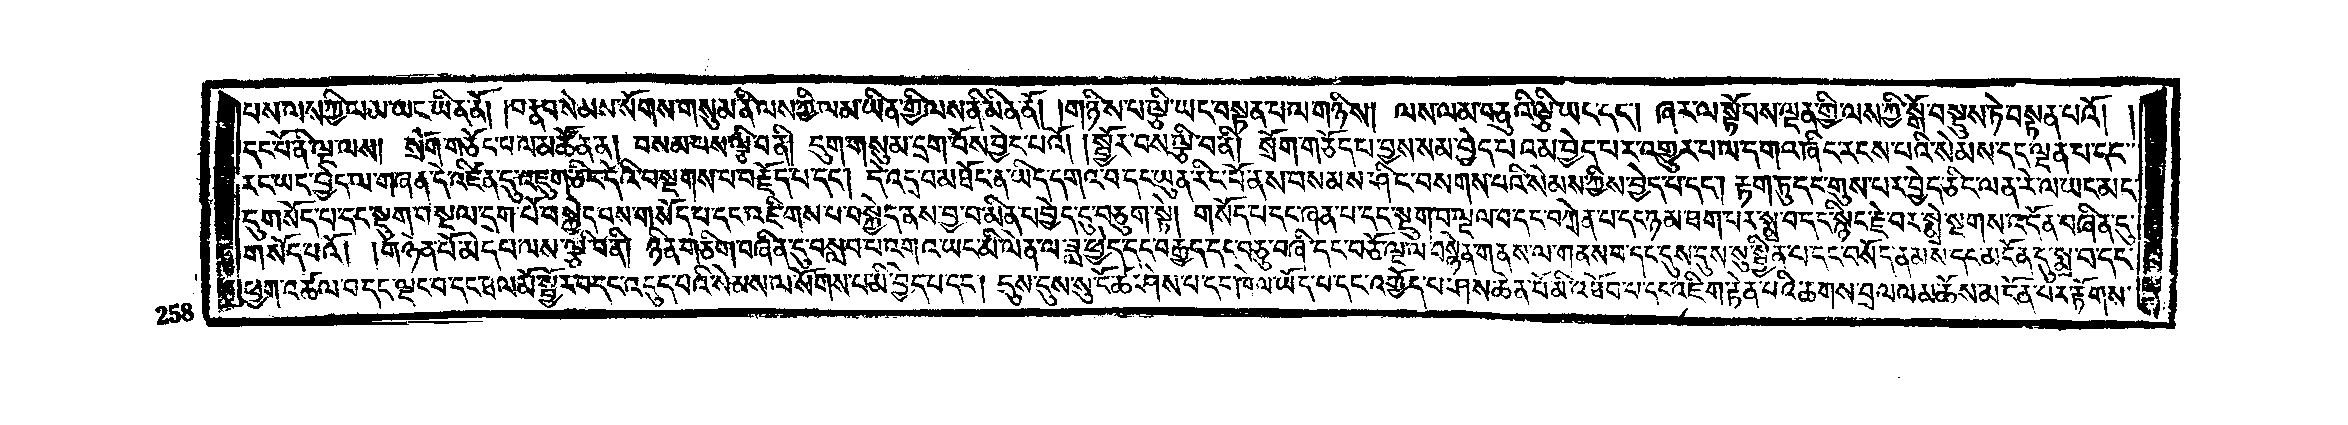པས་ལས་ཀྱི་ལམ་ཡང་ཡིན་ནོ། །བརྣབ་སེམས་སོགས་གསུམ་ནི་ལས་ཀྱི་ལམ་ཡིན་གྱི་ལས་ནི་མིན་ནོ། །གཉིས་པ་ལྕི་ཡང་བསྟན་པ་ལ་གཉིས། ལས་ལམ་བཅུའི་ལྕི་ཡང་དང་། ཞར་ལ་སྟོབས་ལྡན་གྱི་ལས་ཀྱི་སྒོ་བསྡུས་ཏེ་བསྟན་པའོ། །
དང་པོ་ནི་ལྔ་ལས། སྲོག་གཅོད་པ་ལ་མཚོན་ན། བསམ་པས་ལྕི་བ་ནི། དུག་གསུམ་དྲག་པོས་བྱེད་པའོ། །སྦྱོར་བས་ལྕི་བ་ནི། སྲོག་གཅོད་པ་བྱས་སམ་བྱེད་པའམ་བྱེད་པར་འགྱུར་བ་ལ་དགའ་ཞིང་རངས་པའི་སེམས་དང་ལྡན་པ་དང་
རང་ཡང་བྱེད་ལ་གཞན་དེ་འཛིན་དུ་འཇུག་ཅིང་དེའི་བསྔགས་པ་བརྗོད་པ་དང་། དེ་འདྲ་བ་མཐོང་ན་ཡིད་དགའ་བ་དང་ཡུན་རིང་པོ་ནས་བསམས་ཤིང་བསགས་པའི་སེམས་ཀྱིས་བྱེད་པ་དང་། རྟག་ཏུ་དང་གུས་པར་བྱེད་ཅིང་ལན་རེ་ལ་ཡང་མང་
དུ་གསོད་པ་དང་སྡུག་བསྔལ་དྲག་པོ་བསྐྱེད་པས་གསོད་པ་དང་འཇིགས་པ་བསྐྱེད་ནས་བྱ་བ་མིན་པ་བྱེད་དུ་བཅུག་སྟེ། གསོད་པ་དང་ཞན་པ་དང་སྡུག་བསྔལ་བ་དང་བཀྲེན་པ་དང་ཉམ་ཐག་པར་སྨྲ་བ་དང་སྙིང་རྗེ་བར་སྨྲེ་སྔགས་འདོན་བཞིན་དུ་
གསོད་པའོ། །གཉེན་པོ་མེད་པ་ལས་ལྕི་བ་ནི། ཉིན་གཅིག་བཞིན་དུ་བསླབ་པ་འགའ་ཡང་མི་ལེན་ལ་ཟླ་ཕྱེད་དང་བརྒྱད་དང་བཅུ་བཞི་དང་བཅོ་ལྔ་ལ་བསྙེན་གནས་ལ་གནས་པ་དང་དུས་དུས་སུ་སྦྱིན་པ་དང་བསོད་ནམས་དང་མངོན་དུ་སྨྲ་བ་དང་
ཕྱག་འཚལ་བ་དང་ལྡང་བ་དང་ཐལ་མོ་སྦྱོར་བ་དང་འདུད་པའི་སེམས་ལ་སོགས་པ་མི་བྱེད་པ་དང་། དུས་དུས་སུ་ངོ་ཚ་ཤེས་པ་དང་ཁྲེལ་ཡོད་པ་དང་འགྱོད་པ་ཤས་ཆེན་པོ་མི་འཐོབ་པ་དང་འཇིག་རྟེན་པའི་ཆགས་བྲལ་ལམ་ཆོས་མངོན་པར་རྟོགས་